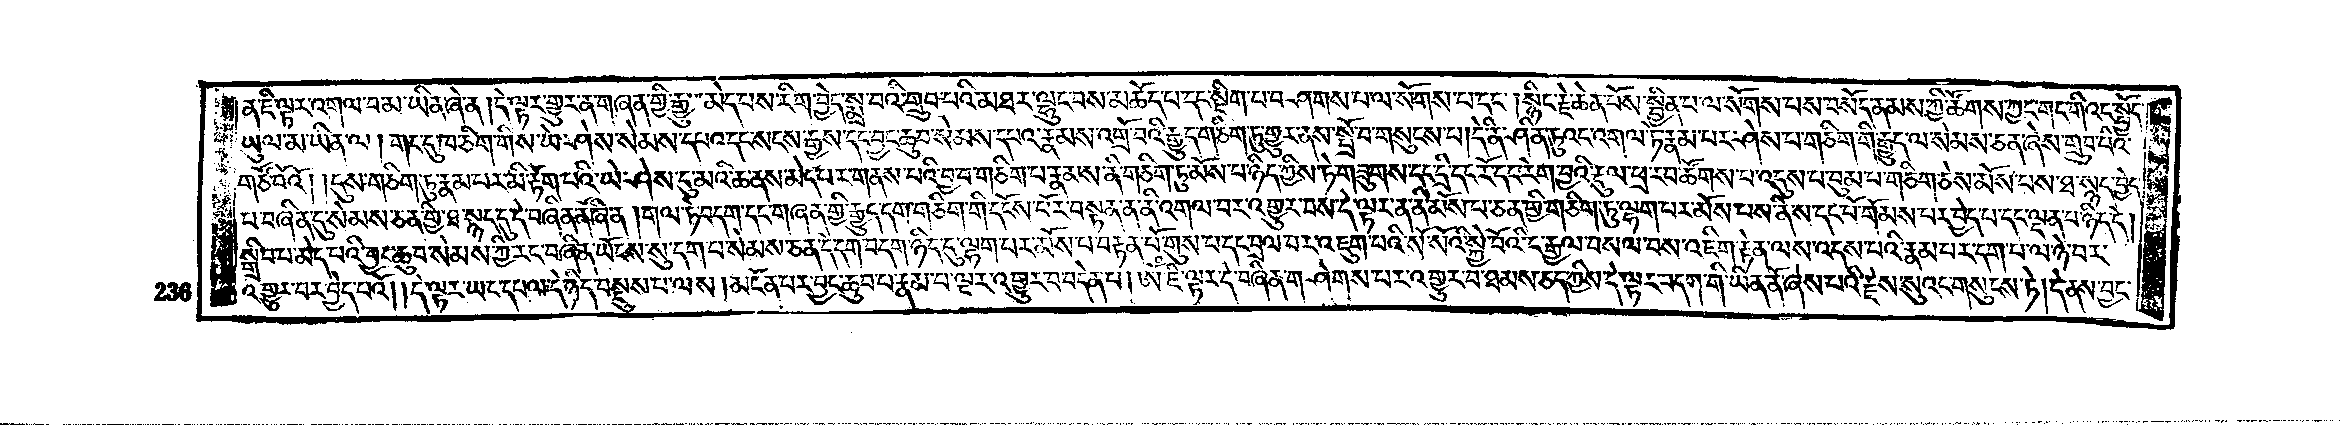ན་ཇི་ལྟར་འགལ་བ་མ་ཡིན་ཞེ་ན། དེ་ལྟར་གྱུར་ན་གཞན་གྱི་རྒྱུ་མེད་པས་རིག་བྱེད་སྨྲ་བའི་གྲུབ་པའི་མཐར་ལྷུང་བས་མཆོད་པ་དང་སྡིག་པ་བཤགས་པ་ལ་སོགས་པ་དང་། སྙིང་རྗེ་ཆེན་པོས་སྦྱིན་པ་ལ་སོགས་པས་བསོད་ནམས་ཀྱི་ཚོགས་ཀྱང་གང་གིའང་སྤྱོད་
ཡུལ་མ་ཡིན་ལ། གང་དུ་ཁ་ཅིག་གིས་ཡེ་ཤེས་སེམས་དཔའ་དང་སངས་རྒྱས་དང་བྱང་ཆུབ་སེམས་དཔའ་རྣམས་འགྲོ་བའི་རྒྱུད་གཅིག་ཏུ་གྱུར་ནས་སྤྲོ་བ་གསུངས་པ། དེ་ནི་ཤིན་ཏུའང་འགལ་ཏེ་རྣམ་པར་ཤེས་པ་གཅིག་གི་རྒྱུད་ལ་སེམས་ཅན་ཞེས་གྲུབ་པའི་
གཙོ་བོའོ། །དུས་གཅིག་ཏུ་རྣམ་པར་མི་རྟོག་པའི་ཡེ་ཤེས་དུ་མའི་ཆ་ནས་མེད་པར་གནས་པའི་བྱ་བ་གཅིག་པ་རྣམས་ནི་གཅིག་ཏུ་མོས་པ་ཉིད་ཀྱིས་ཏེ་གཟུགས་དང་དྲི་དང་རོ་དང་རེག་བྱའི་རྡུལ་ཕྲ་རབ་ཚོགས་པ་འདུས་པ་བུམ་པ་གཅིག་ཅེས་མོས་པས་ཐ་སྙད་བྱེད་
པ་བཞིན་དུ་སེམས་ཅན་གྱི་ཐ་སྙད་དུ་དེ་བཞིན་ནོ་ཞེ་ན། གལ་ཏེ་བདག་དང་གཞན་གྱི་རྒྱུད་དག་གཅིག་གི་དངོས་པོར་བསྟན་ན་ནི་འགལ་བར་འགྱུར་བས་དེ་ལྟར་ན་ནི་མོས་པ་ཅན་གྱི་གཅིག་ཏུ་ལྷག་པར་མོས་པས་ནི་ས་དང་པོ་གོམས་པར་བྱེད་པ་དང་ལྡན་པ་ཉིད་དོ།
སྒྲིབ་པ་མེད་པའི་བྱང་ཆུབ་སེམས་ཀྱི་རང་བཞིན་ཡོངས་སུ་དག་པ་སེམས་ཅན་དེ་དག་བདག་ཉིད་དུ་ལྷག་པར་མོས་པ་བརྟན་པོ་གུས་པ་དང་བྲལ་བར་འཇུག་པའི་སོ་སོའི་སྐྱེ་བོའི་ང་རྒྱལ་བསལ་བས་འཇིག་རྟེན་ལས་འདས་པའི་རྣམ་པར་དག་པ་ལ་ཉེ་བར་
འགྱུར་བར་བྱེད་པའོ། །དེ་ལྟར་ཡང་དཔལ་དེ་ཉིད་བསྡུས་པ་ལས། མངོན་པར་བྱང་ཆུབ་པ་རྣམ་པར་ལྔར་འགྱུར་བ་བདེན་པ། ཨོཾ་ཇི་ལྟར་དེ་བཞིན་གཤེགས་པར་འགྱུར་བ་ཐམས་ཅད་ཀྱིས་དེ་ལྟར་བདག་གི་ཡིན་ནོ་ཞེས་པའི་རྗེས་སུའང་གསུངས་ཏེ། དེ་ནས་བྱང་